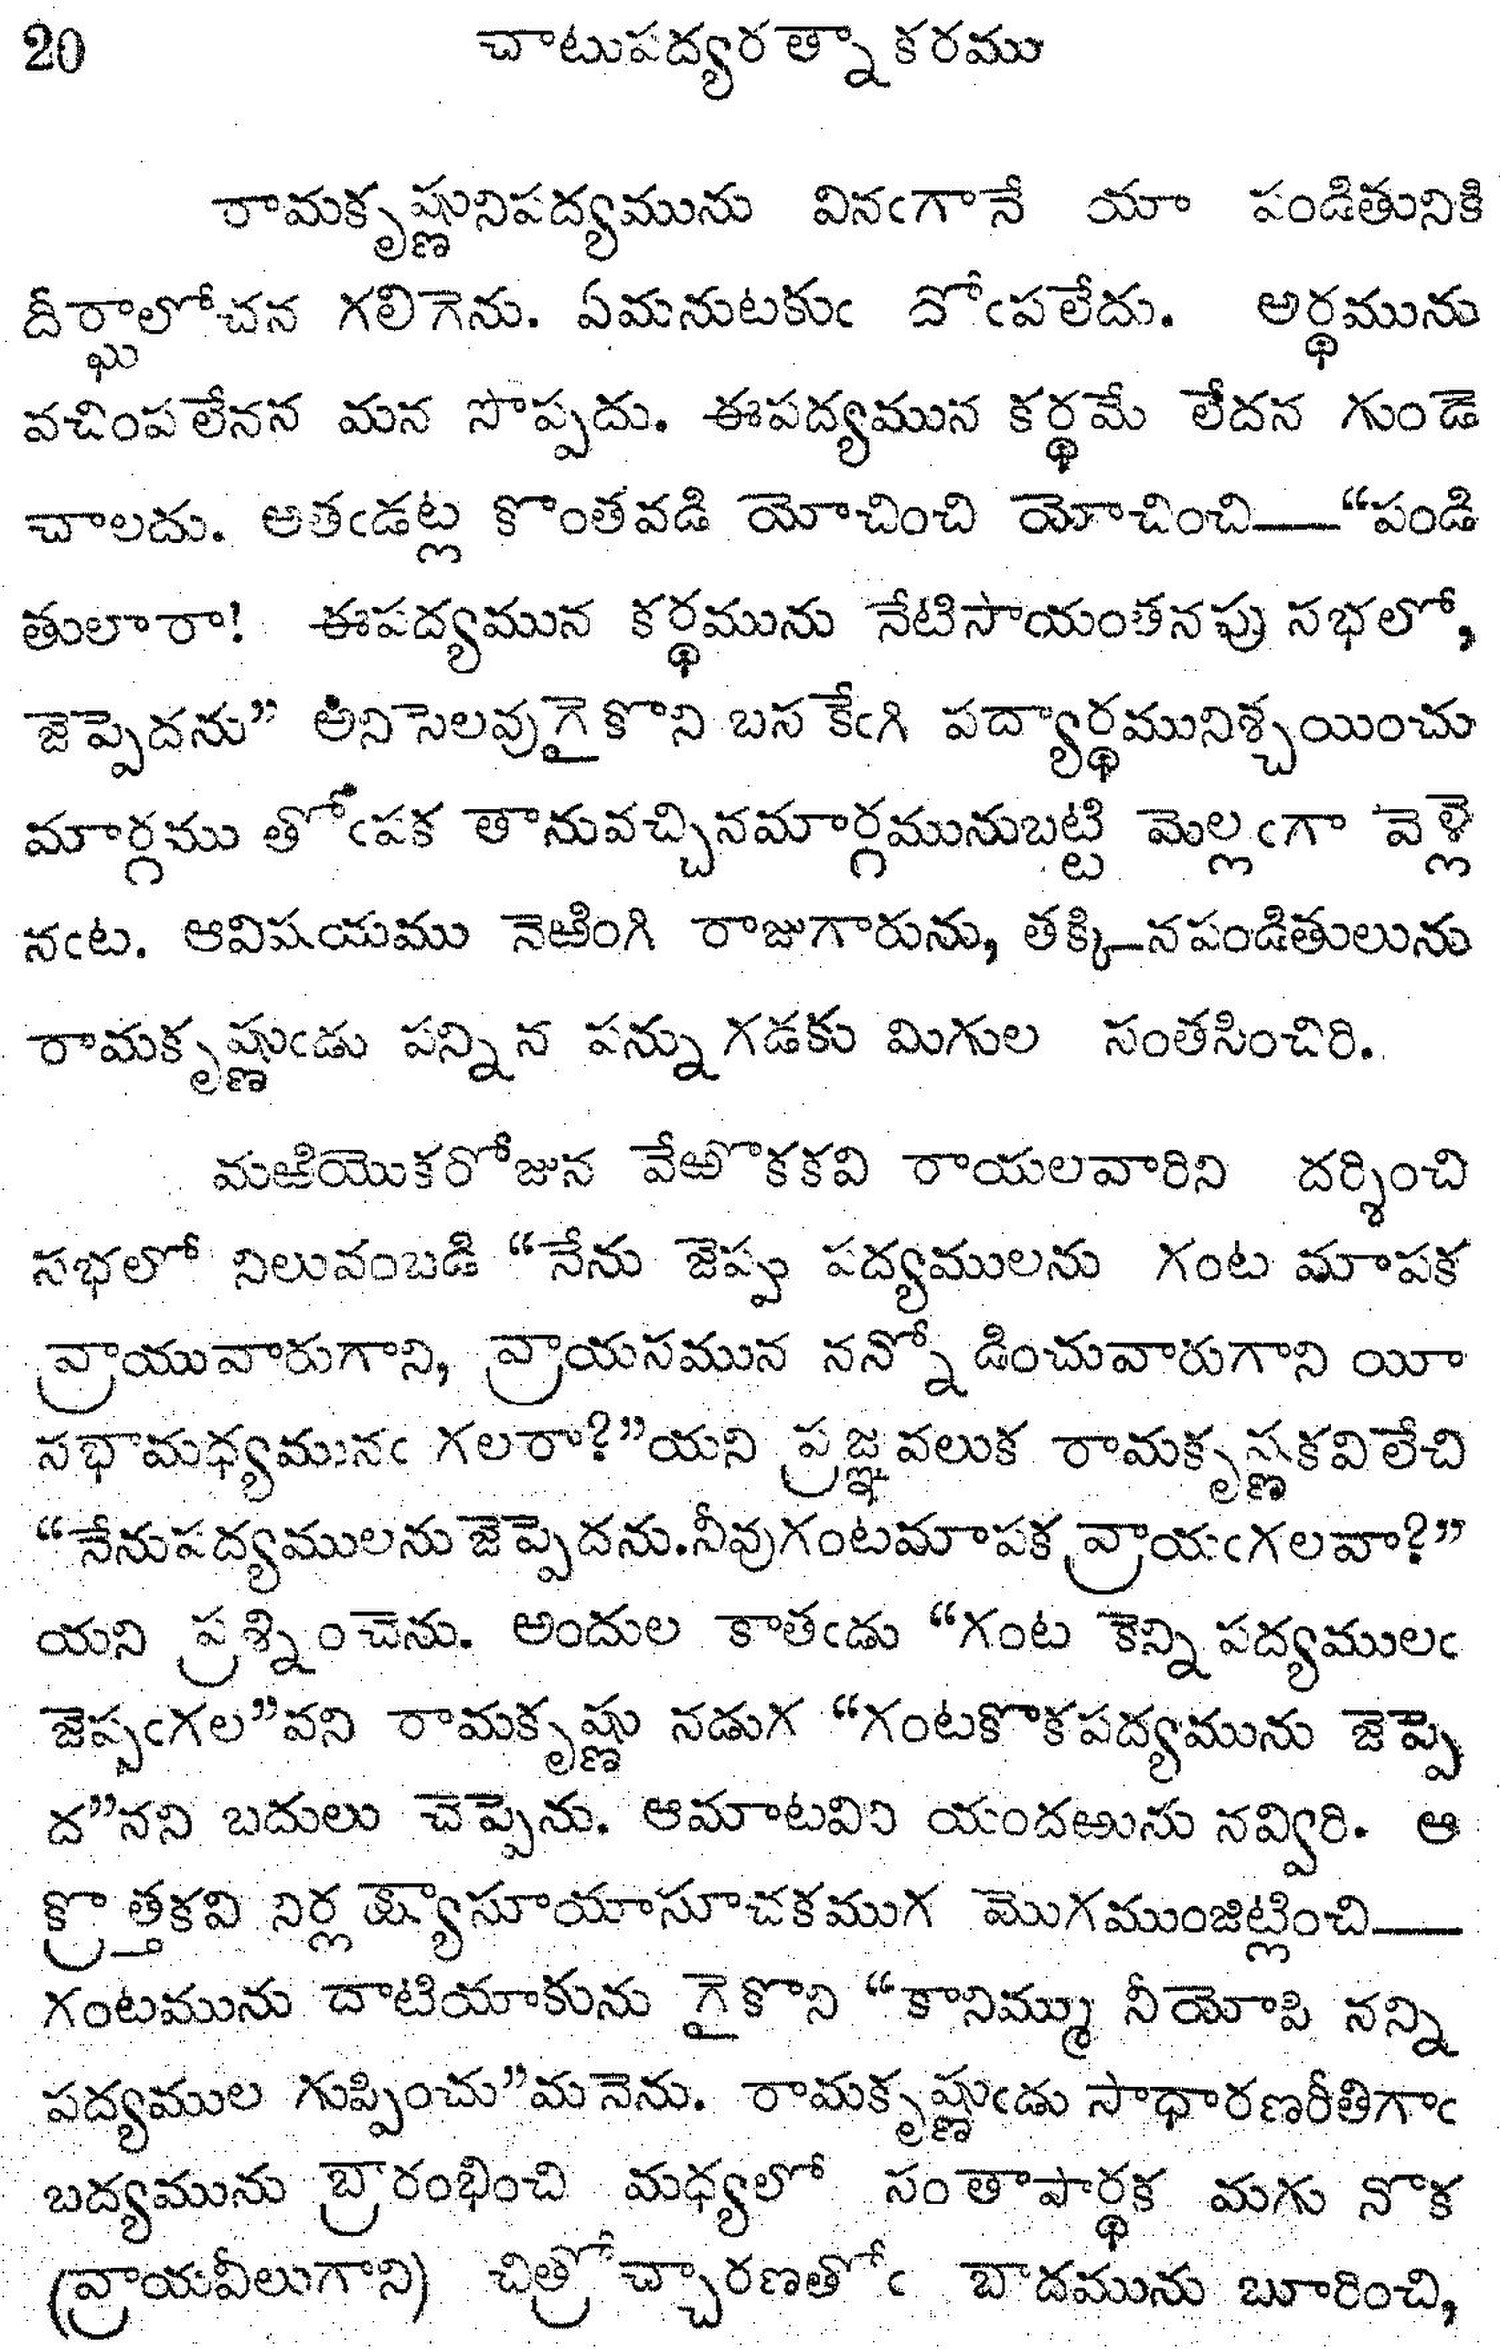రామకృష్ణుని పద్యమును వినఁగానే యాపండితునికి దీర్ఘాలోచన గలిగెను. ఏమనుటకుఁ దోపలేదు. అర్థమును వచింపలేనన మన సొప్పదు. ఈపద్యమున కర్థమే లేదన గుండె చాలదు. అతఁడట్ల కొంతవడి యోచించి యోచించి— “పండితులారా! ఈపద్యమున కర్థమును నేటిసాయంతనపుసభలో జెప్పెదను” అని సెలవు గైకొని బసకేఁగి పద్యార్థము నిశ్చయించుమార్గము తోఁపక తానువచ్చినమార్గమునుబట్టి మెల్లఁగా వెళ్ళెనఁట. ఆవిషయము నెఱింగి రాజుగారును, తక్కినపండితులును రామకృష్ణుఁడు పన్నిన పన్నుగడకు మిగుల సంతసించిరి.

మఱియొకరోజున వేఱొకకవి రాయలవారిని దర్శించి సభలో నిలువంబడి “నేను జెప్పు పద్యమును గంట మాపక వ్రాయువారుగాని, వ్రాయసమున నన్నోడించువారుగాని యీసభామధ్యమునఁ గలరా?” యని ప్రజ్ఞవలుక రామకృష్ణకవి లేచి “నేను పద్యములను జెప్పెదను. నీవు గంటమాపక వ్రాయఁగలవా?” యని ప్రశ్నించెను. అందుల కాతఁడు “గంట కెన్నిపద్యములఁ జెప్పఁగల” వని రామకృష్ణు నడుగ “గంటకొకపద్యమును జెప్పెద” నని బదులు చెప్పెను. ఆక్రొత్తకవి నిర్లక్ష్యాసూయాసూచకముగ మొగముం జిట్లించి—గంటమును దాటియాకును గైకొని “కానిమ్ము నీయోపి నన్నిపద్యముల గుప్పించు” మనెను. రామకృష్ణుఁడు సాధారణరీతిగాఁ బద్యమును బ్రారంభించి మధ్యలో సంతాపార్థక మగు నొక (వ్రాయవీలుగాని) చిత్రోచ్చారణతోఁ బాదమును బూరించి,